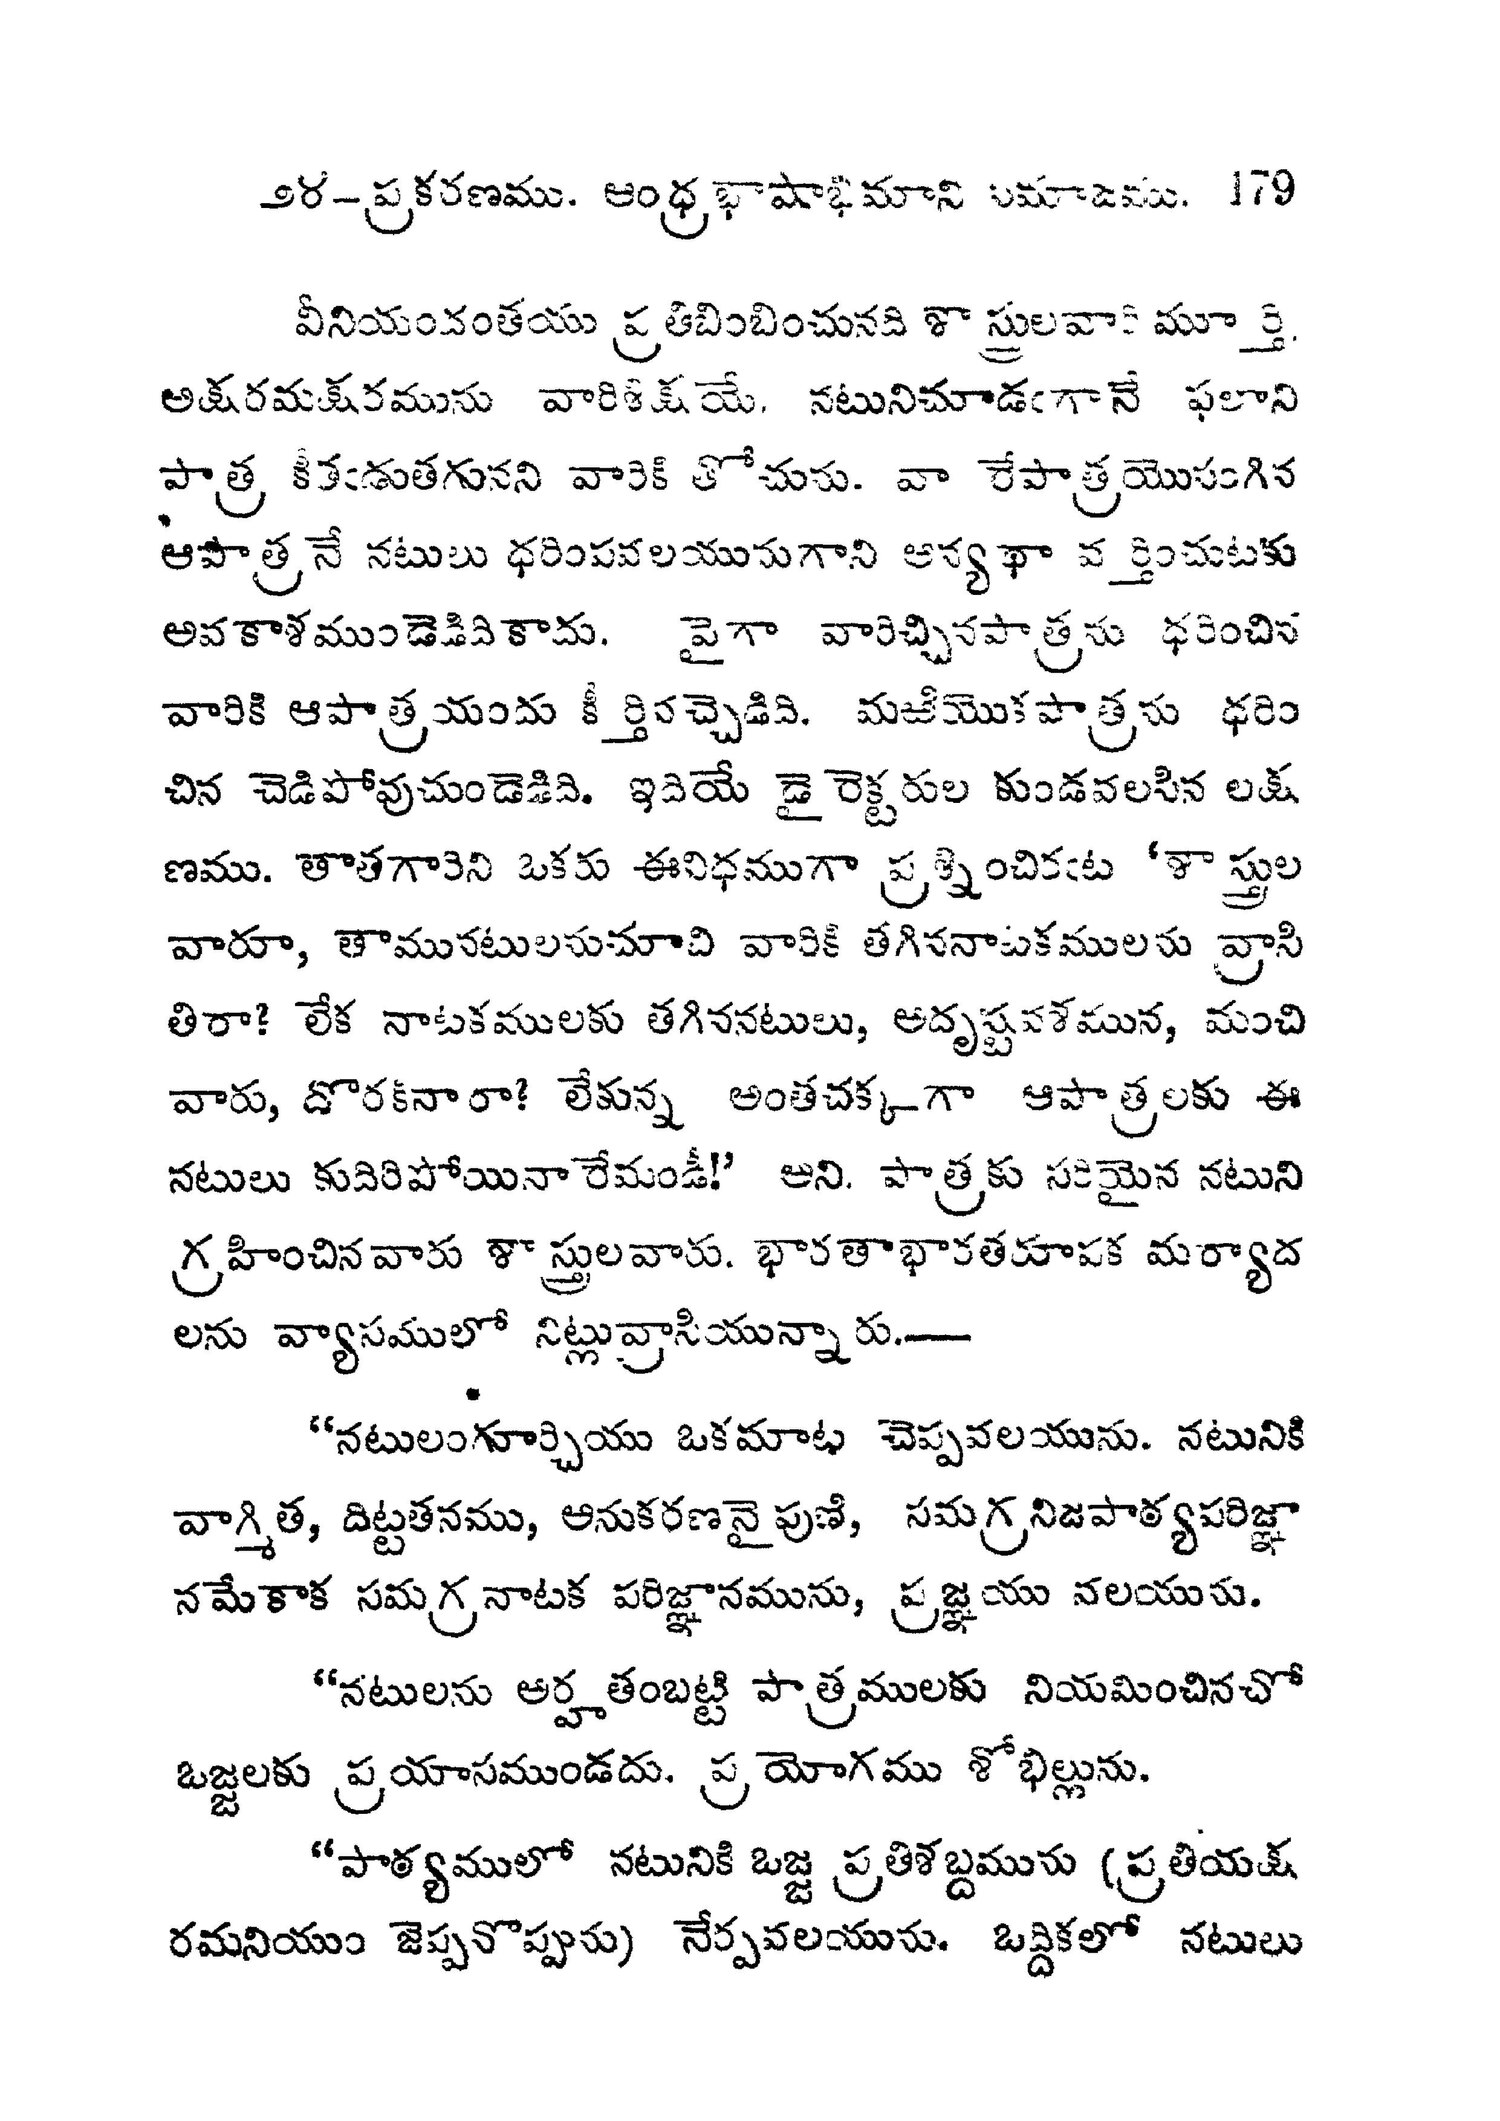వీనియందంతయు ప్రతిబింబించునది శాస్త్రులవారి మూర్తి. అక్షరమక్షరమును వారిశిక్షయే. నటునిచూడగానే ఫలానిపాత్ర కీతడుతగునని వారికి తోచును. వా రేపాత్రయొసంగిన ఆపాత్రనే నటులు ధరింపవలయునుగాని అన్యథా వర్తించుటకు అవకాశముండెడిది కాదు. పైగా వారిచ్చినపాత్రను ధరించిన వారికి ఆపాత్రయందు కీర్తివచ్చెడిది. మఱియొకపాత్రను ధరించిన చెడిపోవు చుండెడిది. ఇదియే డైరెక్టరుల కుండవలసిన లక్షణము. తాతగారిని ఒకరు ఈవిధముగా ప్రశ్నించిరట 'శాస్త్రులవారూ, తాము నటులనుచూచి వారికి తగిననాటకములను వ్రాసితిరా? లేక నాటకములకు తగిననటులు, అదృష్టవశమున, మంచివారు, దొరకినారా? లేకున్న అంతచక్కగా ఆపాత్రలకు ఈ నటులు కుదిరిపోయినారేమండీ!' అని, పాత్రకు సరియైన నటుని గ్రహించినవారు శాస్త్రులవారు. భారతాభారతారూపక మర్యాదలను వ్యాసములో నిట్లువ్రాసియున్నారు.-

"నటులంగూర్చియు ఒకమాట చెప్పవలయును. నటునికి వాగ్మిత, దిట్టతనము, అనుకరణనైపుణి, సమగ్రనిజపాఠ్యపరిజ్ఞానమే కాక సమగ్రనాటక పరిజ్ఞానమును, ప్రజ్ఞయు వలయును.

"నటులను అర్హతంబట్టి పాత్రములకు నియమించినచో ఒజ్జలకు ప్రయాసముండదు. ప్రయోగము శోభిల్లును.

"పాఠ్యములో నటునికి ఒజ్జ ప్రతిశబ్దమును (ప్రతియక్షరమనియుం జెప్పనొప్పును) నేర్పవలయును. ఒద్దికలో నటులు